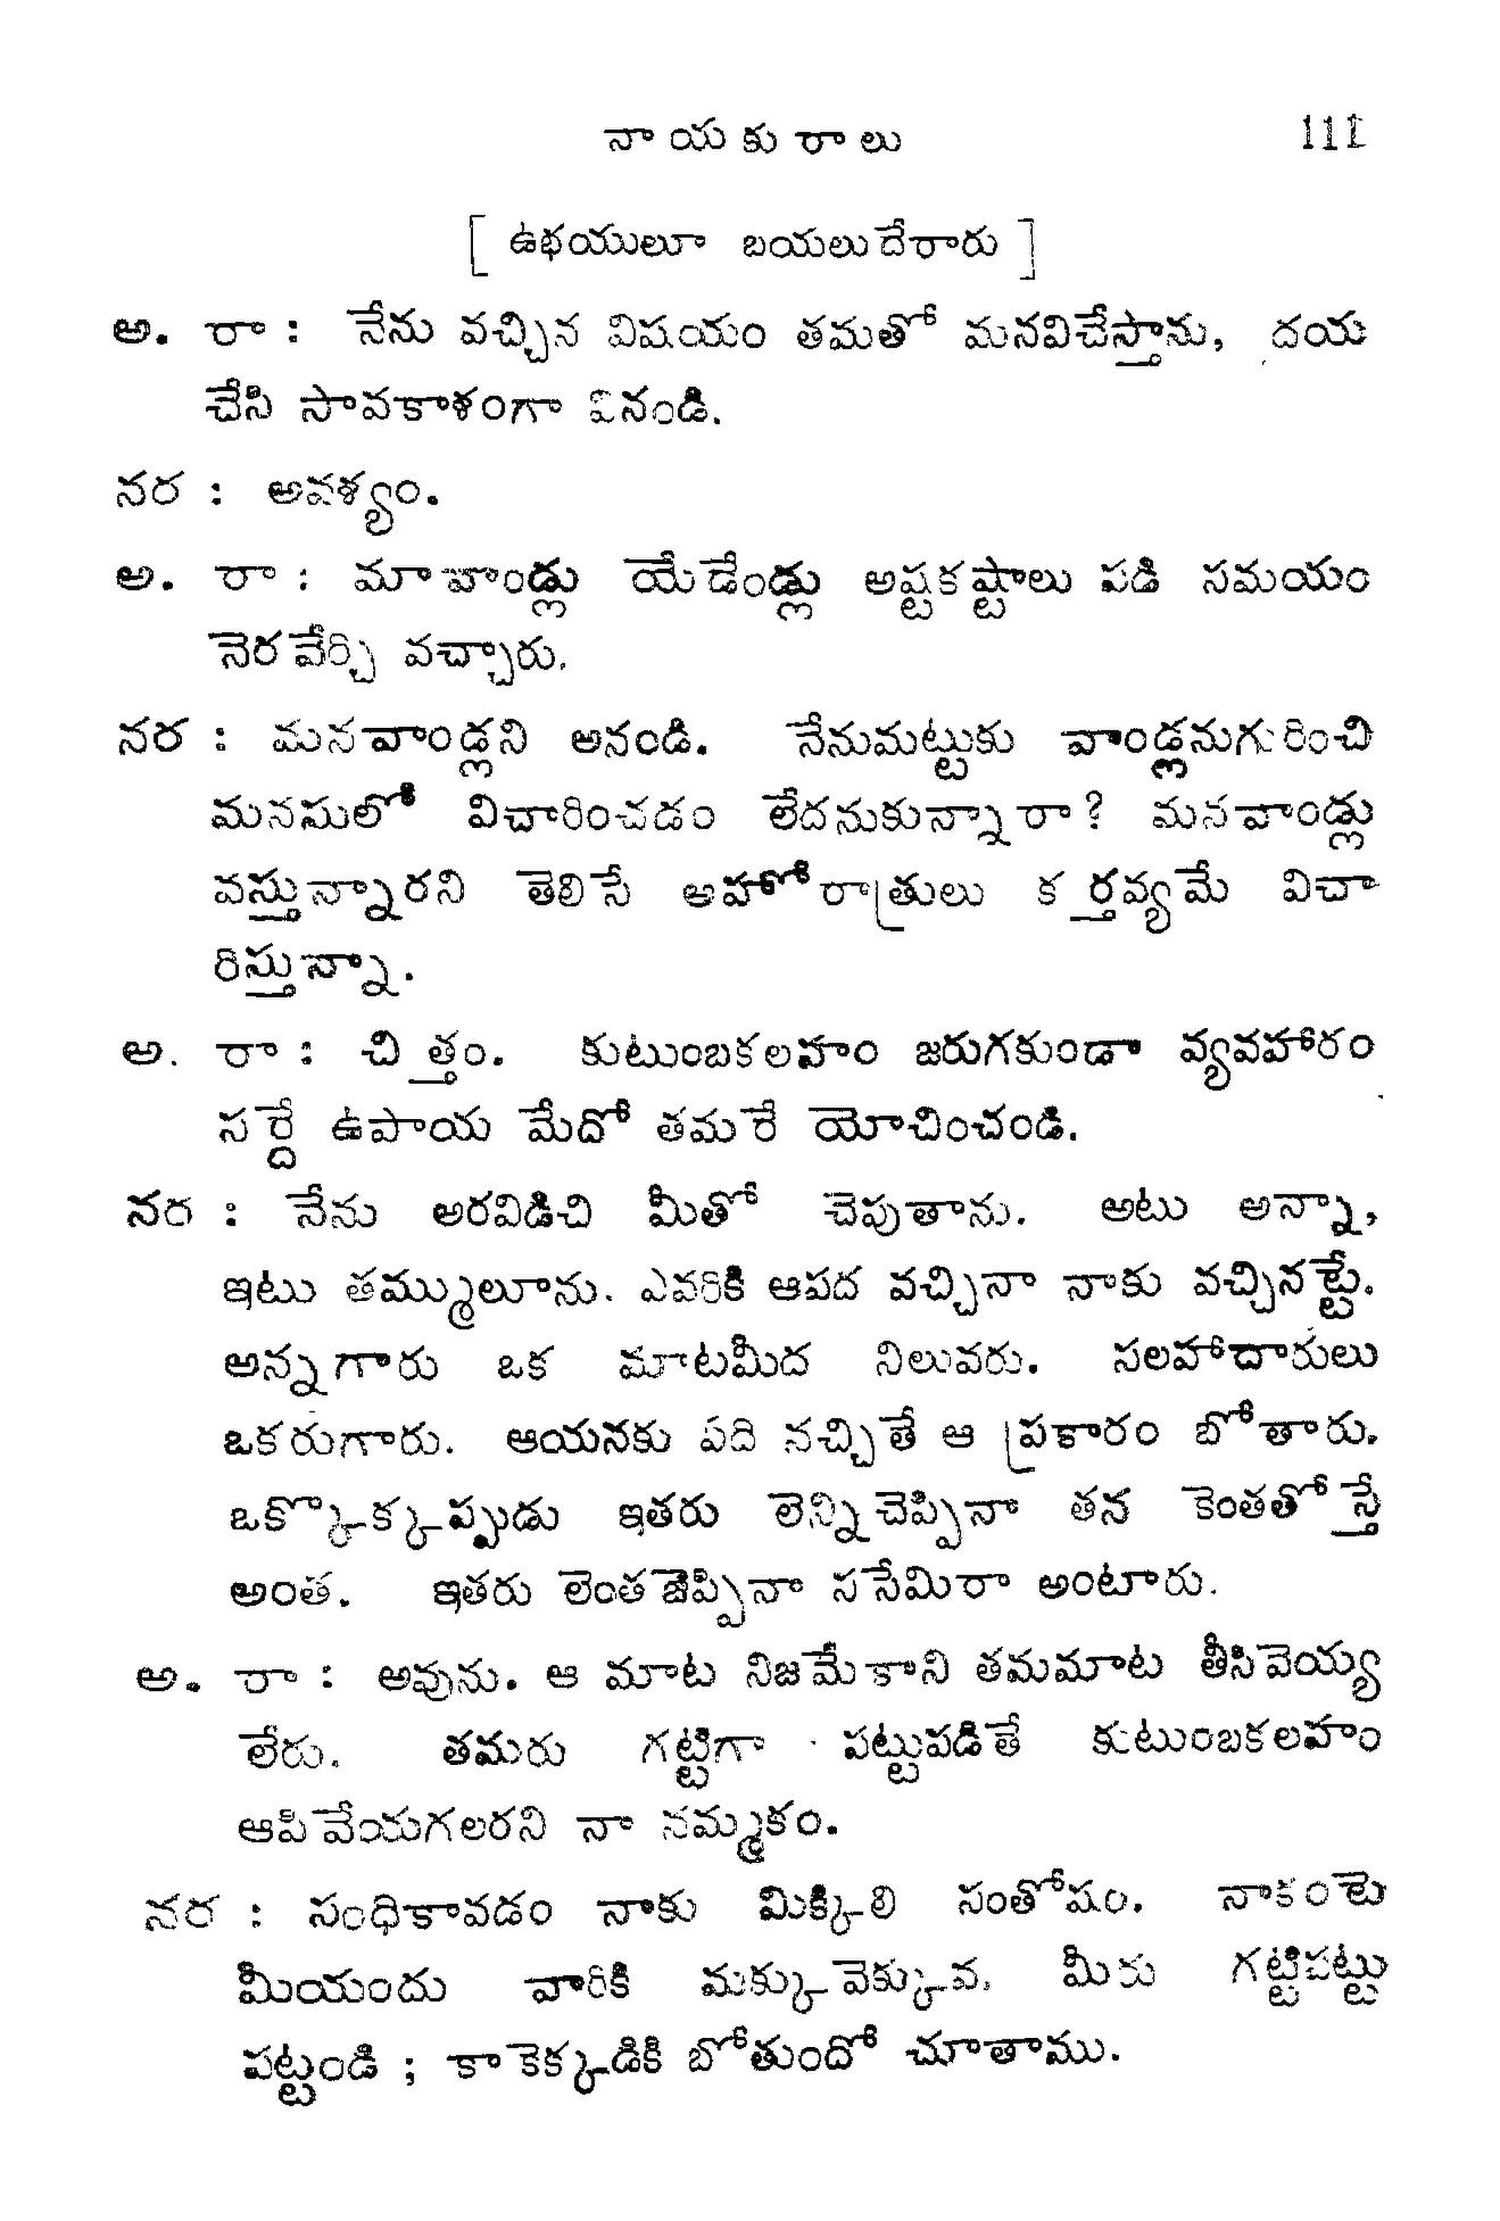అ. రా : నేను వచ్చిన విషయం తమతో మనవిచేస్తాను, దయచేసి సావకాశంగా వినండి.

నర : అవశ్యం.
అ. రా : మావాండ్లు యేడేండ్లు అష్టకష్టాలు పడి సమయం నెరవేర్చి వచ్చారు.

నర : మనవాండ్లని అనండి. నేనుమట్టుకు వాండ్లనుగురించి మనసులో విచారించడం లేదనుకున్నారా? మన వాండ్లు వస్తున్నారని తెలిసే అహోరాత్రులు కర్తవ్యమే విచారిస్తున్నా,

అ. రా : చిత్తం. కుటుంబకలహం జరుగకుండా వ్యవహారం సర్దే ఉపాయ మేదో తమరే యోచించండి.

నర : నేను అరవిడిచి మీతో చెపుతాను. అటు అన్నా, ఇటు తమ్ములూను. ఎవరికి ఆపద వచ్చినా నాకు వచ్చినట్టే. అన్నగారు ఒక మాటమీద నిలువరు. సలహాదారులు ఒకరుగారు. ఆయనకు ఏది నచ్చితే ఆ ప్రకారం బోతారు. ఒక్కొక్కప్పుడు ఇతరు లెన్నిచెప్పినా తన కెంతతోస్తే అంత. ఇతరు లెంతజెప్పినా ససేమిరా అంటారు.

అ. రా : అవును. ఆ మాట నిజమేకాని తమమాట తీసి వెయ్యలేరు. తమరు గట్టిగా పట్టుపడితే కుటుంబకలహం ఆపివేయగలరని నా నమ్మకం.

నర : సంధికావడం నాకు మిక్కిలి సంతోషం. నాకంటె మీయందు వారికి మక్కువెక్కువ. మీరు గట్టిపట్టు
పట్టండి ; కాకెక్కడికి బోతుందో చూతాము.